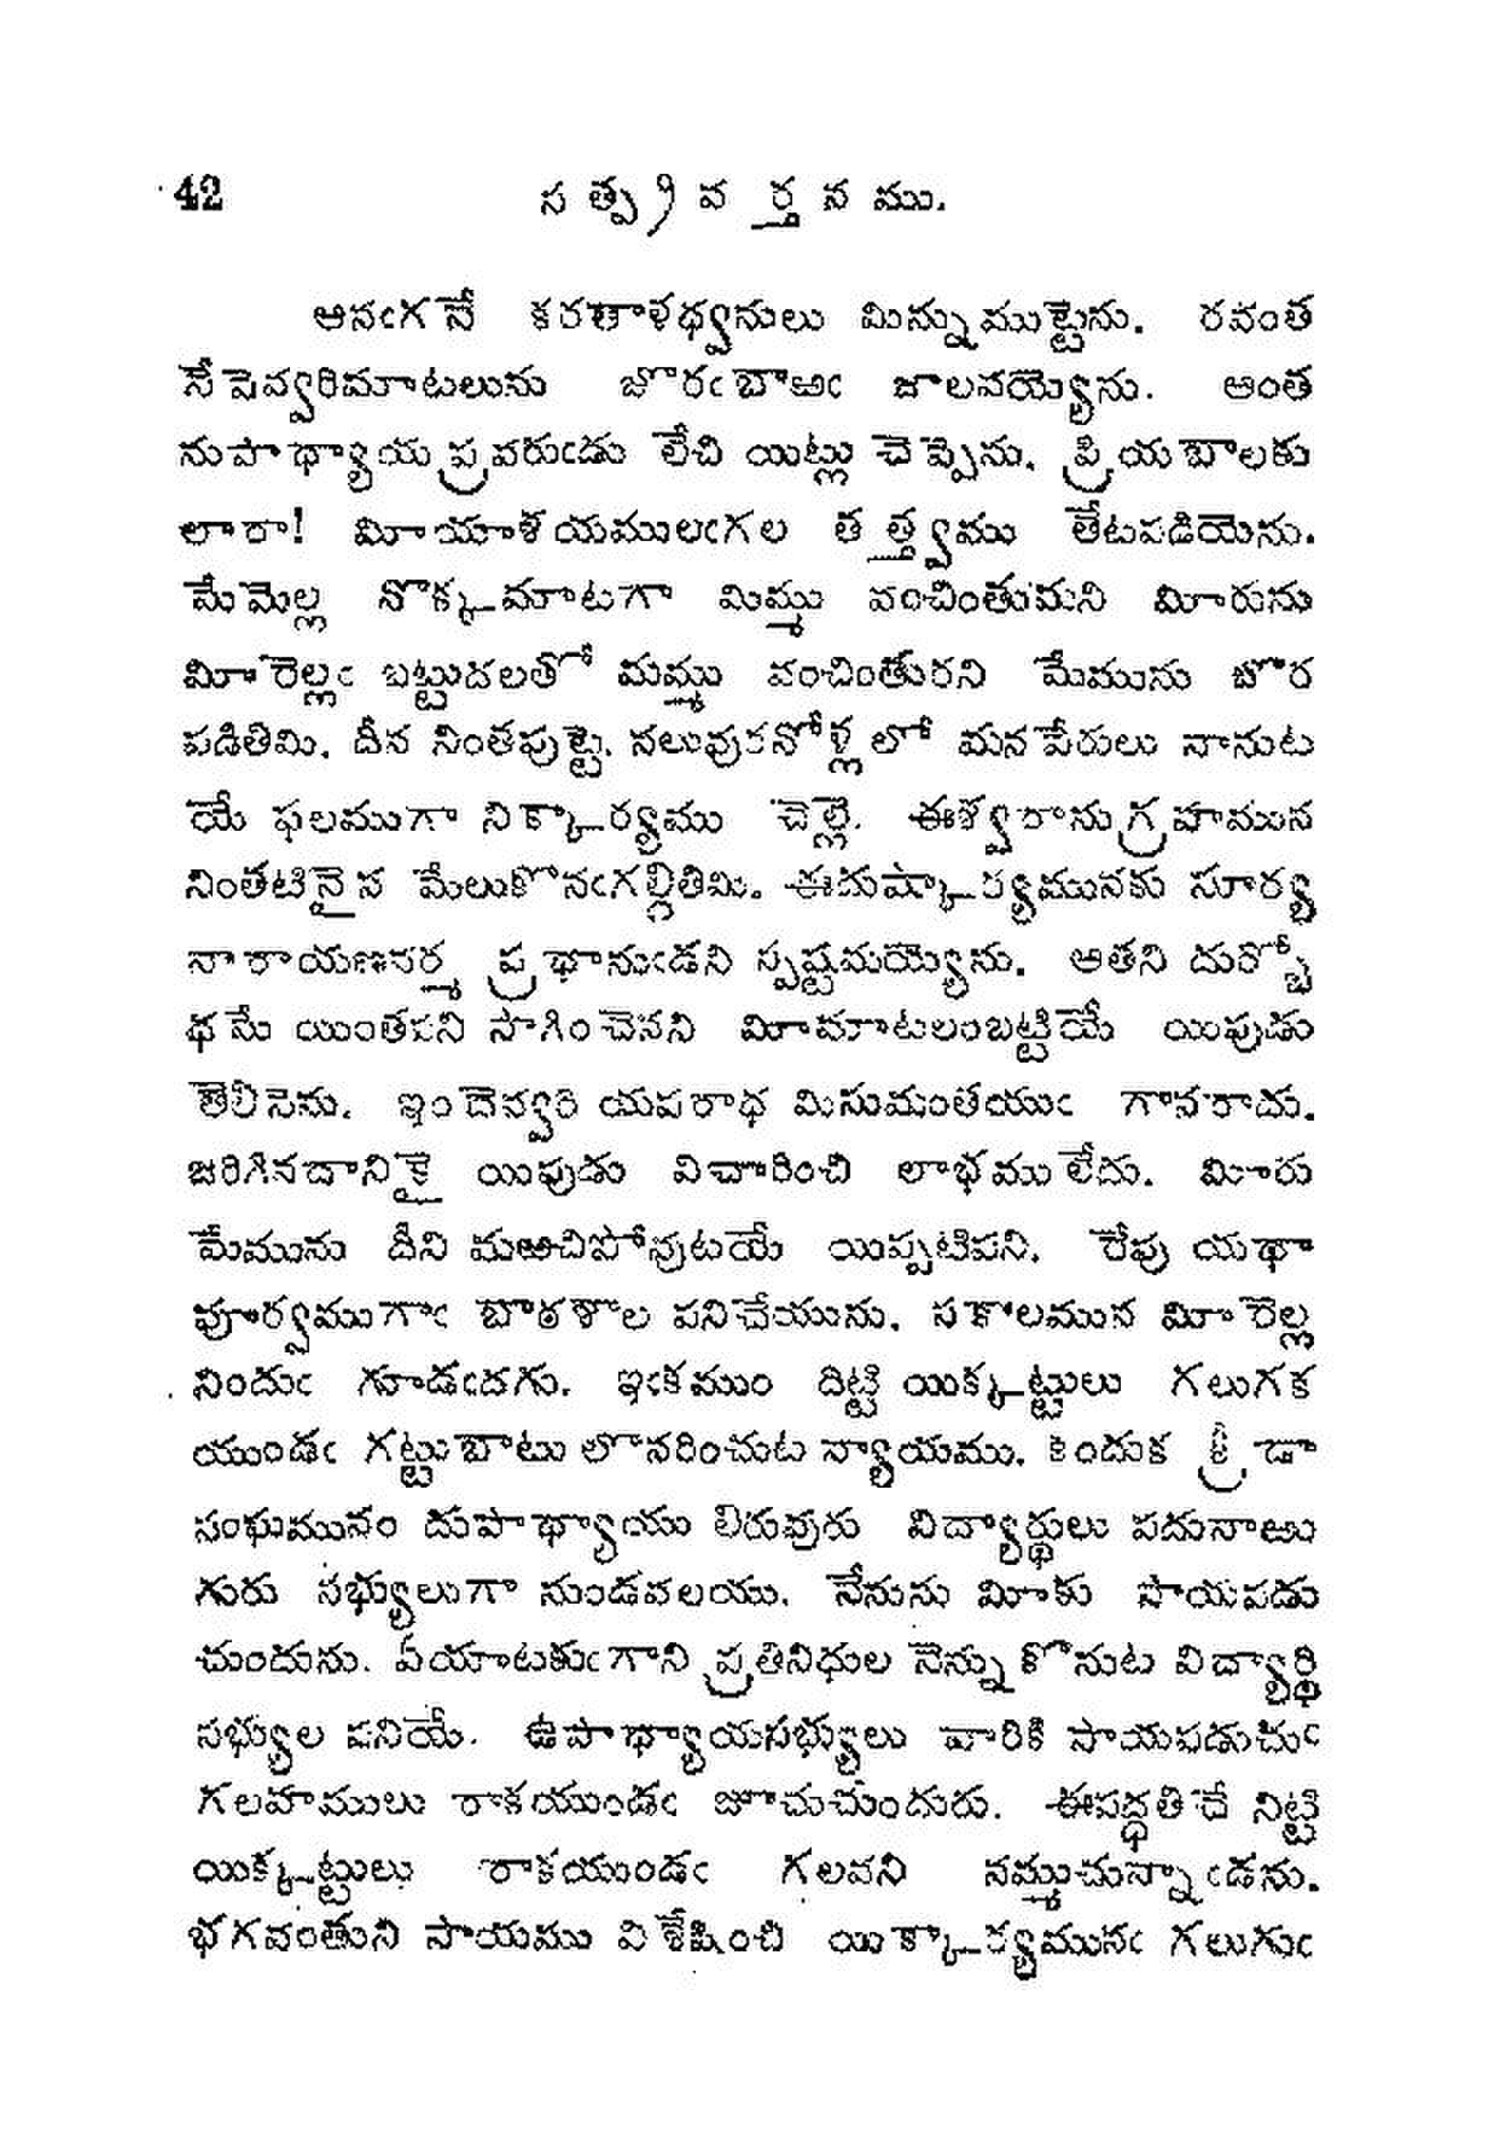అనంగనే కరతాళధ్వనులు మిన్ను ముట్టెను. రవంత సే పెవ్వరిమాటలును జొరఁ బాఱఁ జాలపయ్యెను. అంత నుపాధ్యాయ ప్రవరుఁడు లేచి యిట్లు చెప్పెను. ప్రీయ బాలకు లారా! మాయాశయములఁగల తత్త్వము తేటపడియెను. మేమెల్ల నొక్క మాటగా మిము వంచింతుమని మీరును మీరెల్లం బట్టుదలతో మము వంచింతురని 'మేమును బొర పడితిమి, దీన నింతపుట్టే, నలువుర నోళ్లలో మన పేరులు నానుట 'యే ఫలముగా నిక్కార్యము 'చెల్లె. ఈశ్వరానుగ్రహమున నింతటి నైస 'మేలుకొనఁగల్గితిమి. ఈ దుష్కార్యమునకు సూర్య నా రాయణవర్మ ప్రథానుడని స్పష్టమయ్యెను. అతని దుర్బో ధన యింతపని సాగించెనని మీమాటలం బట్టియే యిపుడు తెలిసెను. ఇందెవ్వరి యప రాధ మిసుమంతయుఁ గానరాదు. జరిగిన దాని యిపుడు విచారించి లాభము లేదు. మీరు 'మేమును దీని మఱచిపోవుటయే యిప్పటిపని, రేపు యథా పూర్వముగాఁ 'బాఠశాల పనిచేయును, సకాలమున మీరెల్ల . నిందుఁ గూడఁదగు. ఇకముందిట్టి యిక్కట్టులు గలుగక
యుండఁ గట్టుబాటు లొనరించుట న్యాయము. అందుకు క్రీడా సంఘమునం దుపాధ్యాయు లిరువురు విద్యార్థులు పదునాలు గురు సభ్యులుగా నుండవలయు, 'నేనును మీకు సాయపడు చుందును. ఏమాటకుఁ గాని ప్రతినిధుల నెన్ను కొనుట విద్యార్థి సభ్యుల పనియే. ఉపాధ్యాయసభ్యులు వారికి సాయపడుచు గలహములు రాకయుండఁ జూచుచుందురు. ఈ పద్దతి చే నిట్టి యిక్కట్టులు 'రాకయుండఁ గలవని నమ్ముచున్నాఁడను. భగవంతుని సాయము విశ్లేషించి యిక్కార్యమునఁ గలుగుఁ